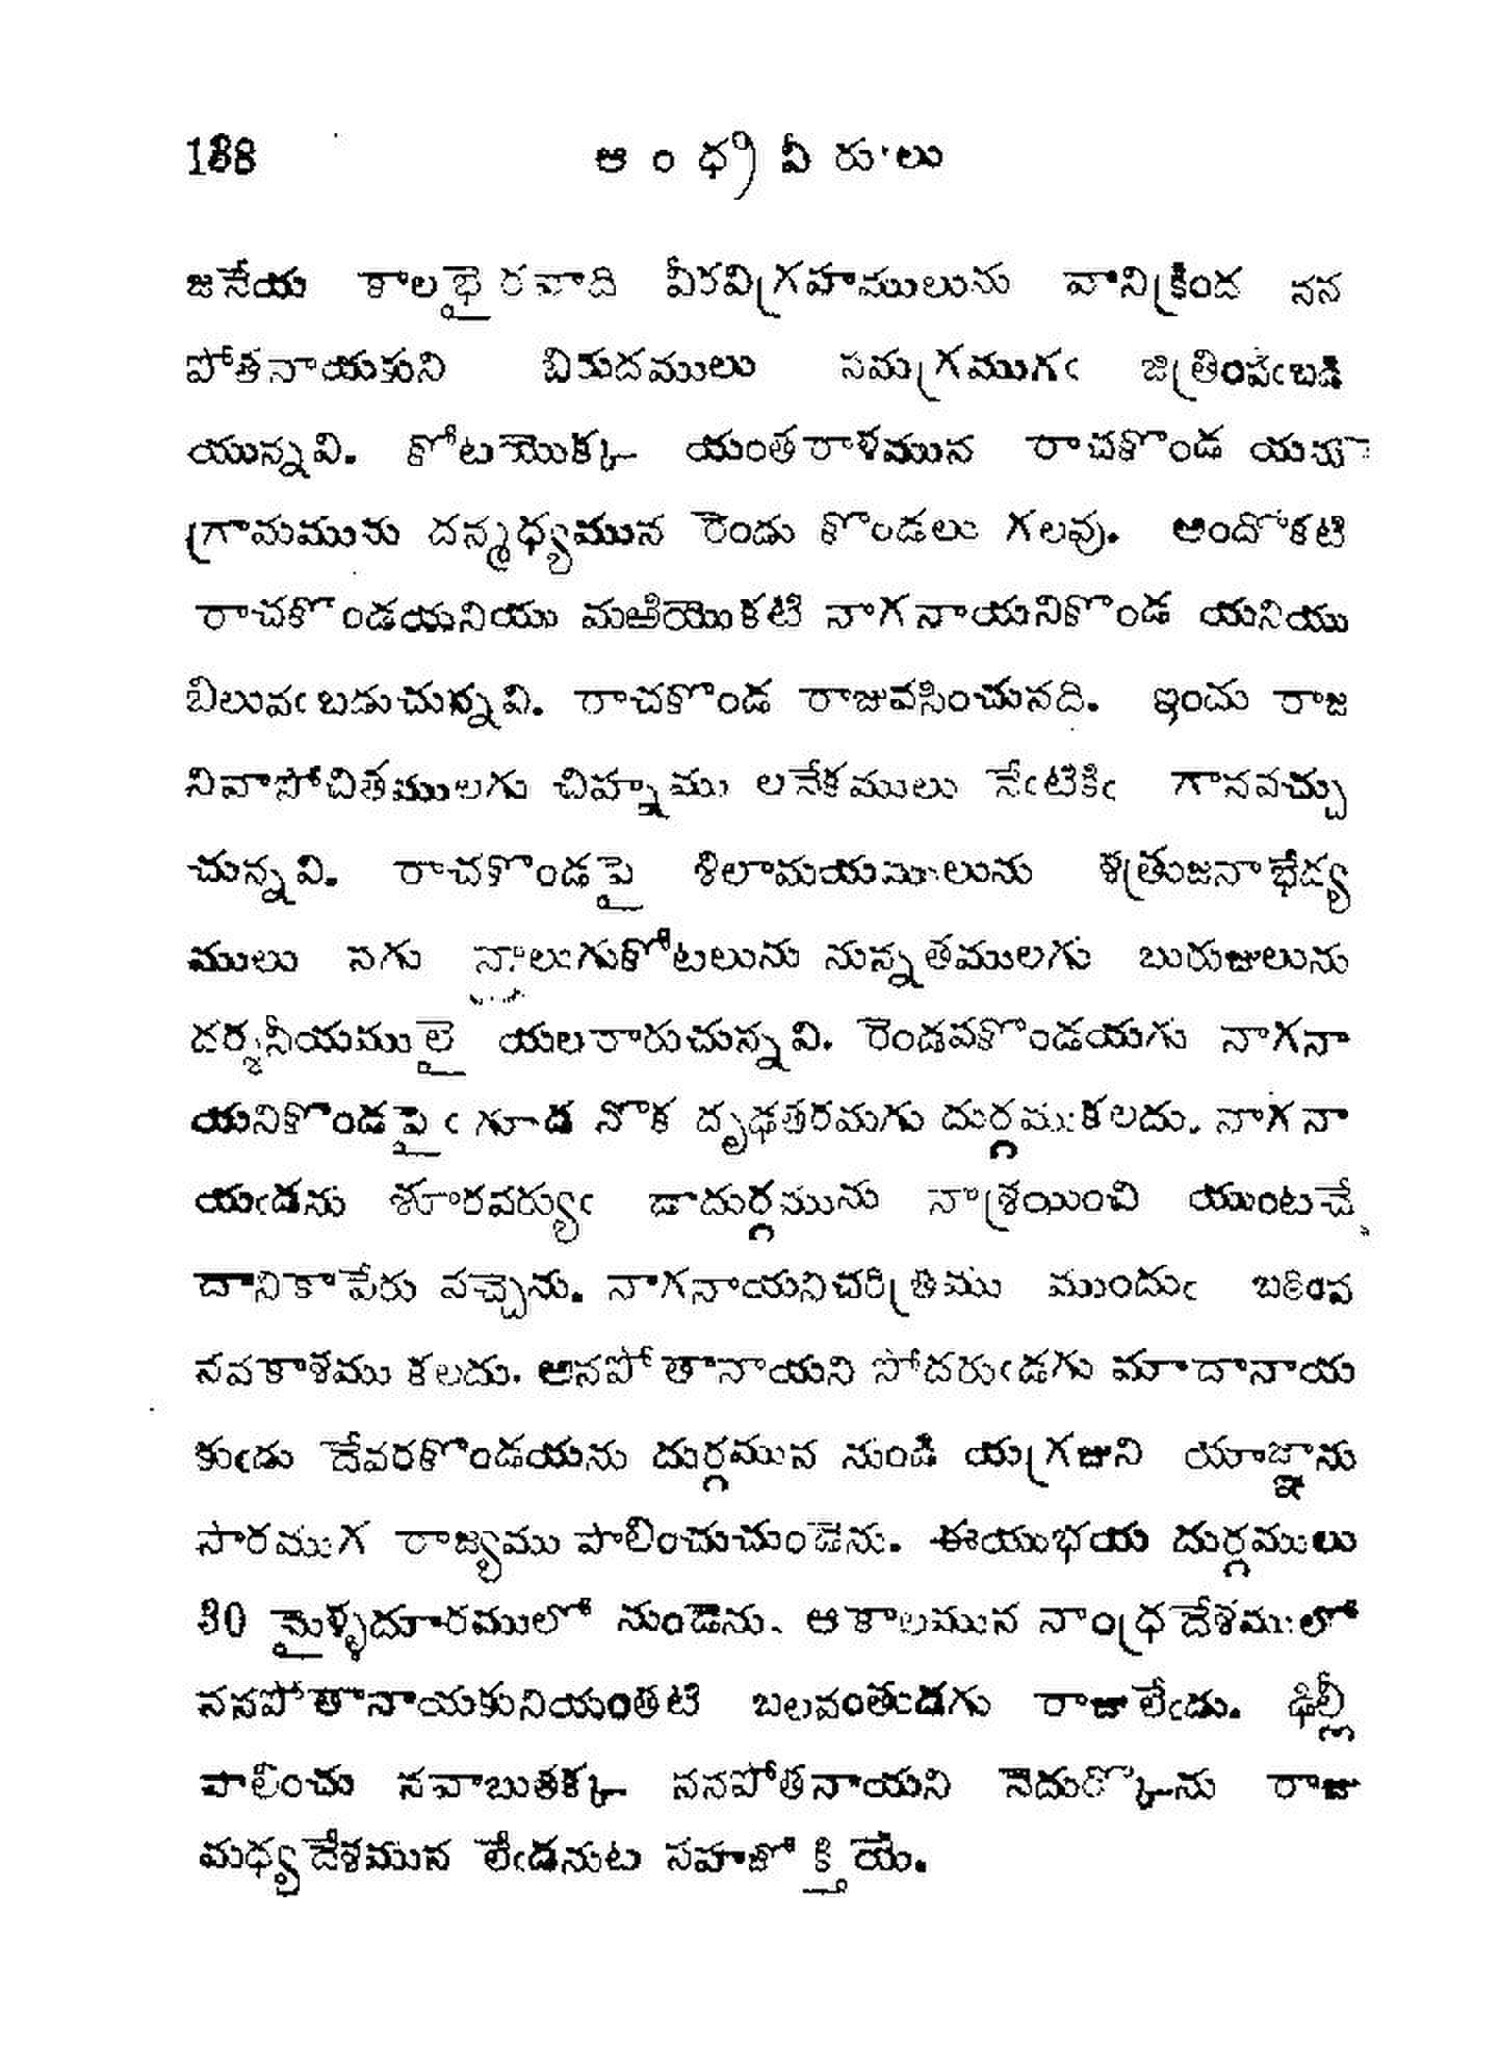జనేయ కాలభైరవాది వీరవిగ్రహములును వానిక్రింద ననపోతనాయకుని బిరుదములు సమగ్రముగ జిత్రింపబడి యున్నవి. కోటయొక్క యంతరాళమున రాచకొండ యనుగ్రామమును ధన్మధ్యమున రెండుకొండలు గలవు. అందొకటి రాచకొండనియు మఱియొకటి నాగనాయనికొండ యనియు బిలువబడుచున్నవి. రాచకొండ రాజువసించునది. ఇందు రాజనివాసోచితములగు చిహ్నము లనేకములు నేటికి గానవచ్చు చున్నవి. రాచకొండపై శిలామయములును శత్రుజనాభేధ్యములు నగు న్రాలుగుకోటలును నున్నతములగు బురుజులును దర్శనీయములై యలరారుచున్నవి. రెండవకొండయగు నాగనాయనికొండపై గూడ నొక దృడతరమగు దుర్గముకలదు. నాగనాయడను శూరవర్యు డాదుర్గమును నాశ్రయించి యుంటచే దానికాపేరు వచ్చెను. నాగనాయనిచరిత్రము ముందు బఠింప నవకాశము కలదు. అనపోతానాయని సోదరుడగు మాదనాయకుడు దేవరకొండయను దుర్గమున నుండి యగ్రజుని యాజ్ఞాను సారముగ రాజ్యము పాలించుచుండెను. ఈయుభయ దుర్గములు 30 మైళ్ళదూరములో నుండెను. ఆకాలమున నాంధ్రదేశములో ననపోతానాయకుని యంతటి బలవంతుడగు రాజులేడు. డిల్లీ పాలించు నవాబుతక్క ననపోతనాయని నెదుర్కొను రాజు మధ్యదేశమున లేడనుట సహజోక్తియే.